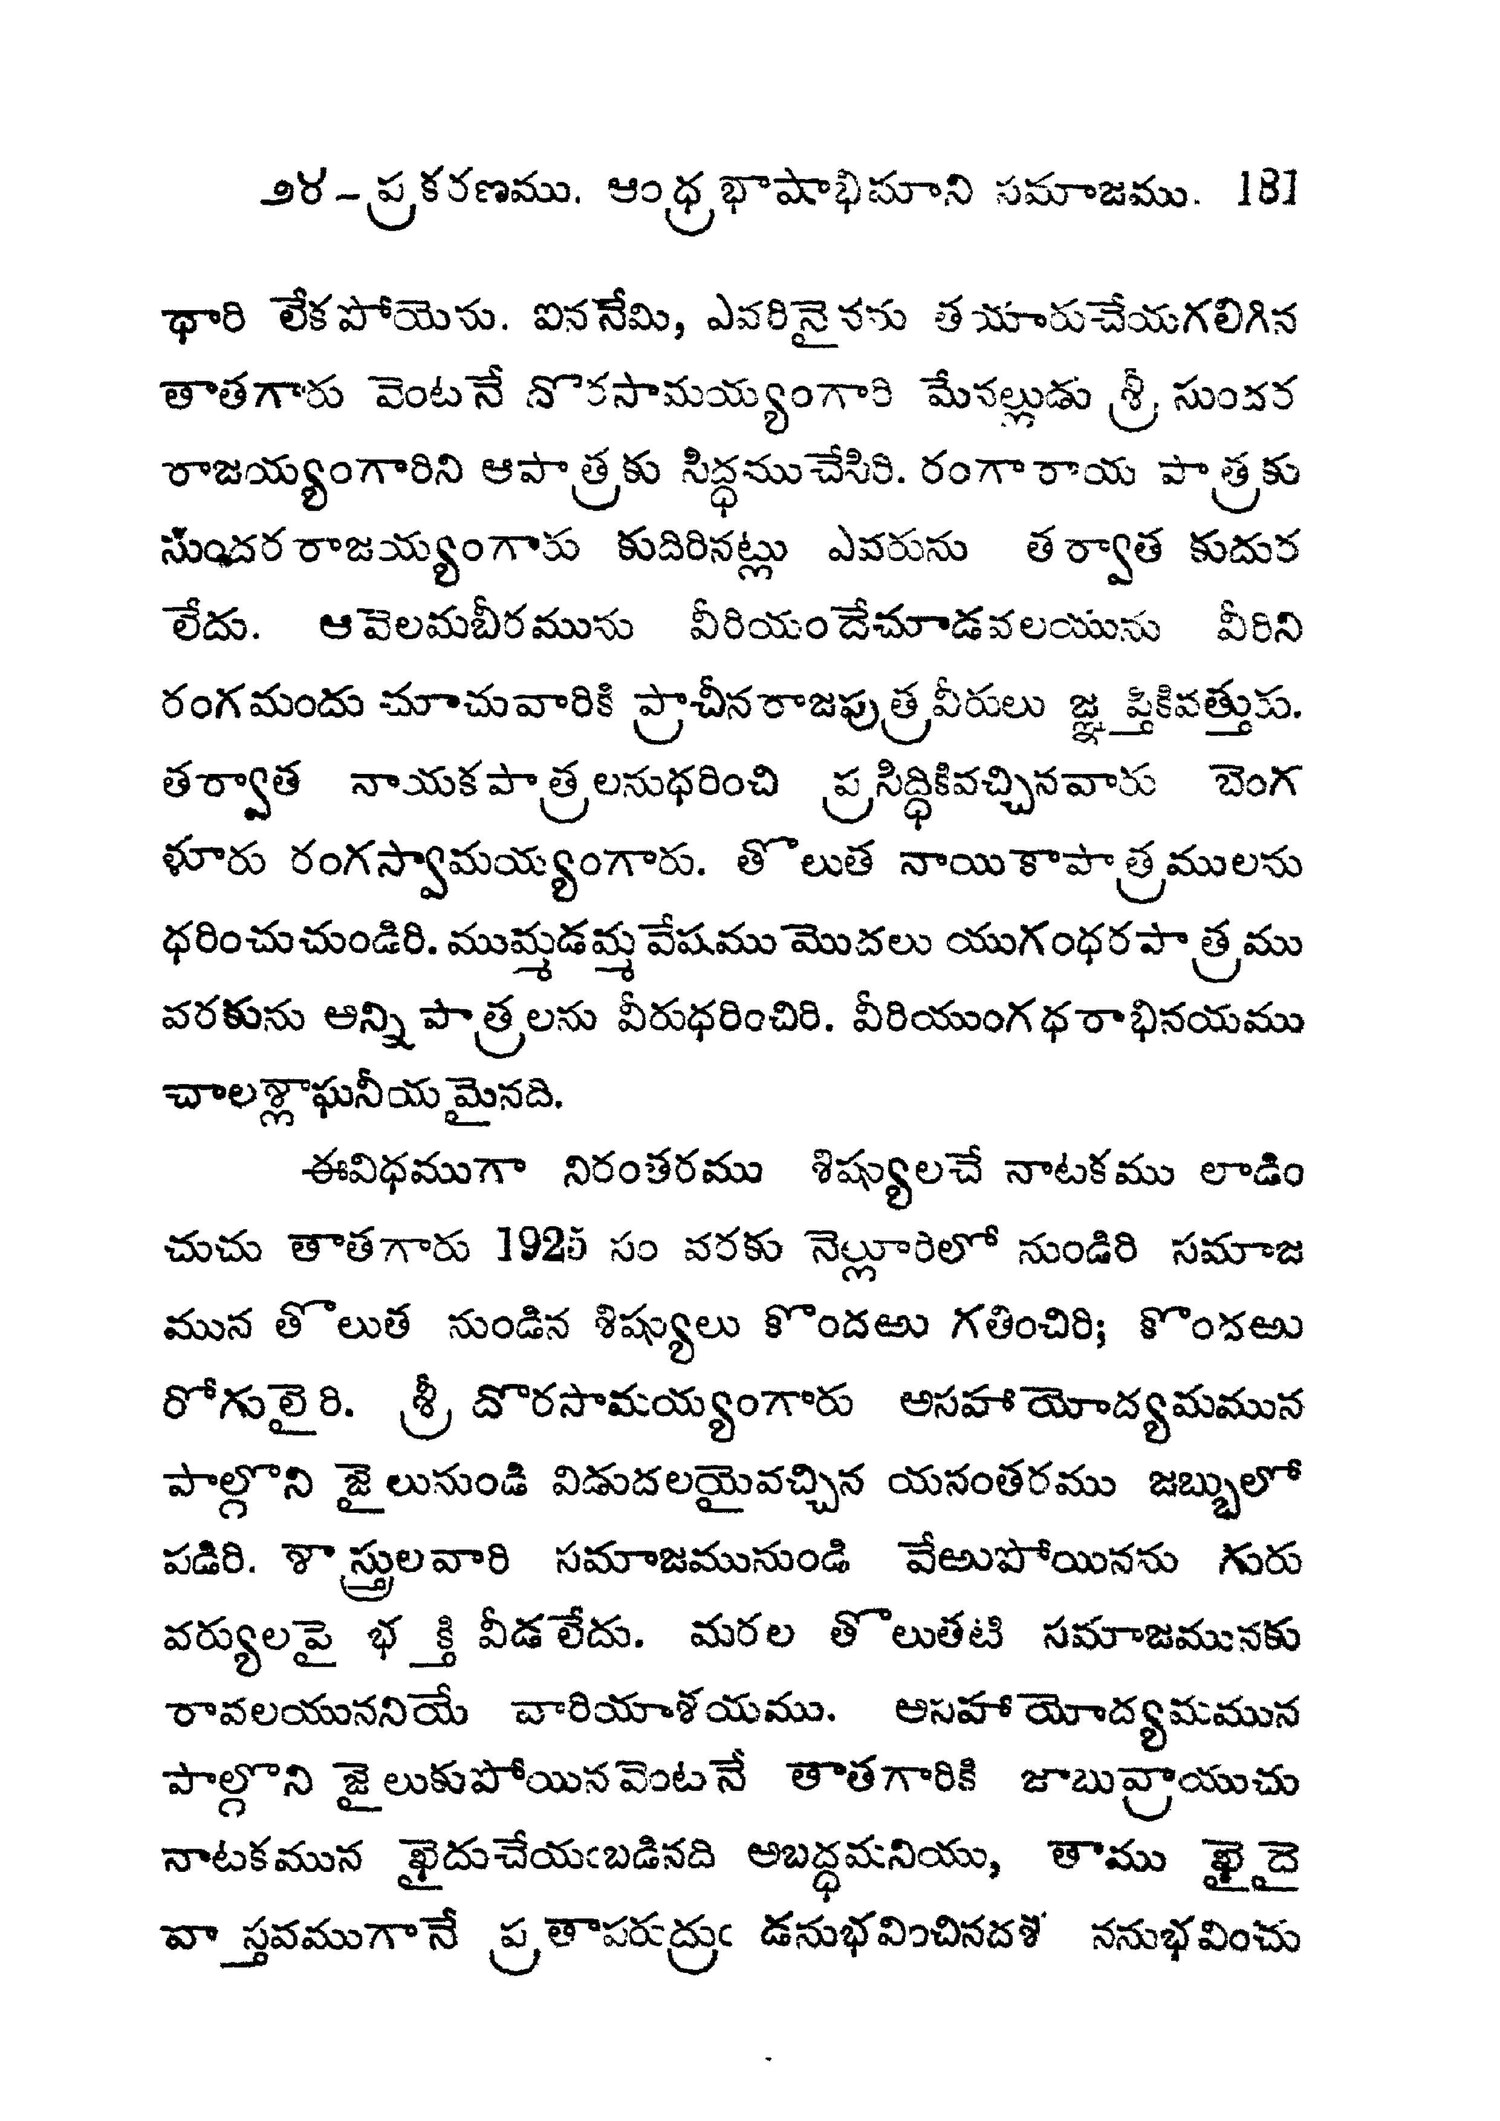థారి లేకపోయెను. ఐననేమి, ఎవరినైనను తయారు చేయగలిగిన తాతగారు వెంటనే దొరసామయ్యంగారి మేనల్లుడు శ్రీ సుందరరాజయ్యంగారిని ఆపాత్రకు సిద్ధముచేసిరి. రంగారాయ పాత్రకు సుందర రాజయ్యంగారు కుదిరినట్లు ఎవరును తర్వాత కుదరలేదు. ఆవెలమబీరమును వీరియందే చూడవలయును వీరిని రంగమందు చూచువారికి ప్రాచీనరాజపుత్రవీరులు జ్ఞప్తికివత్తురు. తర్వాత నాయకపాత్రలను ధరించి ప్రసిద్ధికి వచ్చినవారు బెంగళూరు రంగస్వామయ్యంగారు. తొలుత నాయికాపాత్రములను ధరించుచుండిరి. ముమ్మడమ్మ వేషము మొదలు యుగంధరపాత్రము వరకును అన్ని పాత్రలను వీరుధరించిరి. వీరియుగంధరాభినయము చాలశ్లాఘనీయమైనది.

ఈవిధముగా నిరంతరము శిష్యులచే నాటకము లాడించుచు తాతగారు 1925 సం వరకు నెల్లూరిలో నుండిరి. సమాజమున తొలుత నుండిన శిష్యులు కొందఱు గతించిరి; కొందఱు రోగులైరి. శ్రీ దొరసామయ్యంగారు అసహాయోద్యమమున పాల్గొని జైలునుండి విడుదలయైవచ్చిన యనంతరము జబ్బులోపడిరి. శాస్త్రులవారి సమాజమునుండి వేఱుపోయినను గురువర్యులపై భక్తివీడలేదు. మరల తొలుతటి సమాజమునకు రావలయుననియే వారియాశయము. అసహాయోద్యమమున పాల్గొని జైలుకు పోయినవెంటనే తాతగారికి జాబువ్రాయుచు నాటకమున ఖైదుచేయబడినది అబద్ధమనియు, తాము ఖైదై వాస్తవముగానే ప్రతాపరుద్రు డనుభవించినదశ ననుభవించు